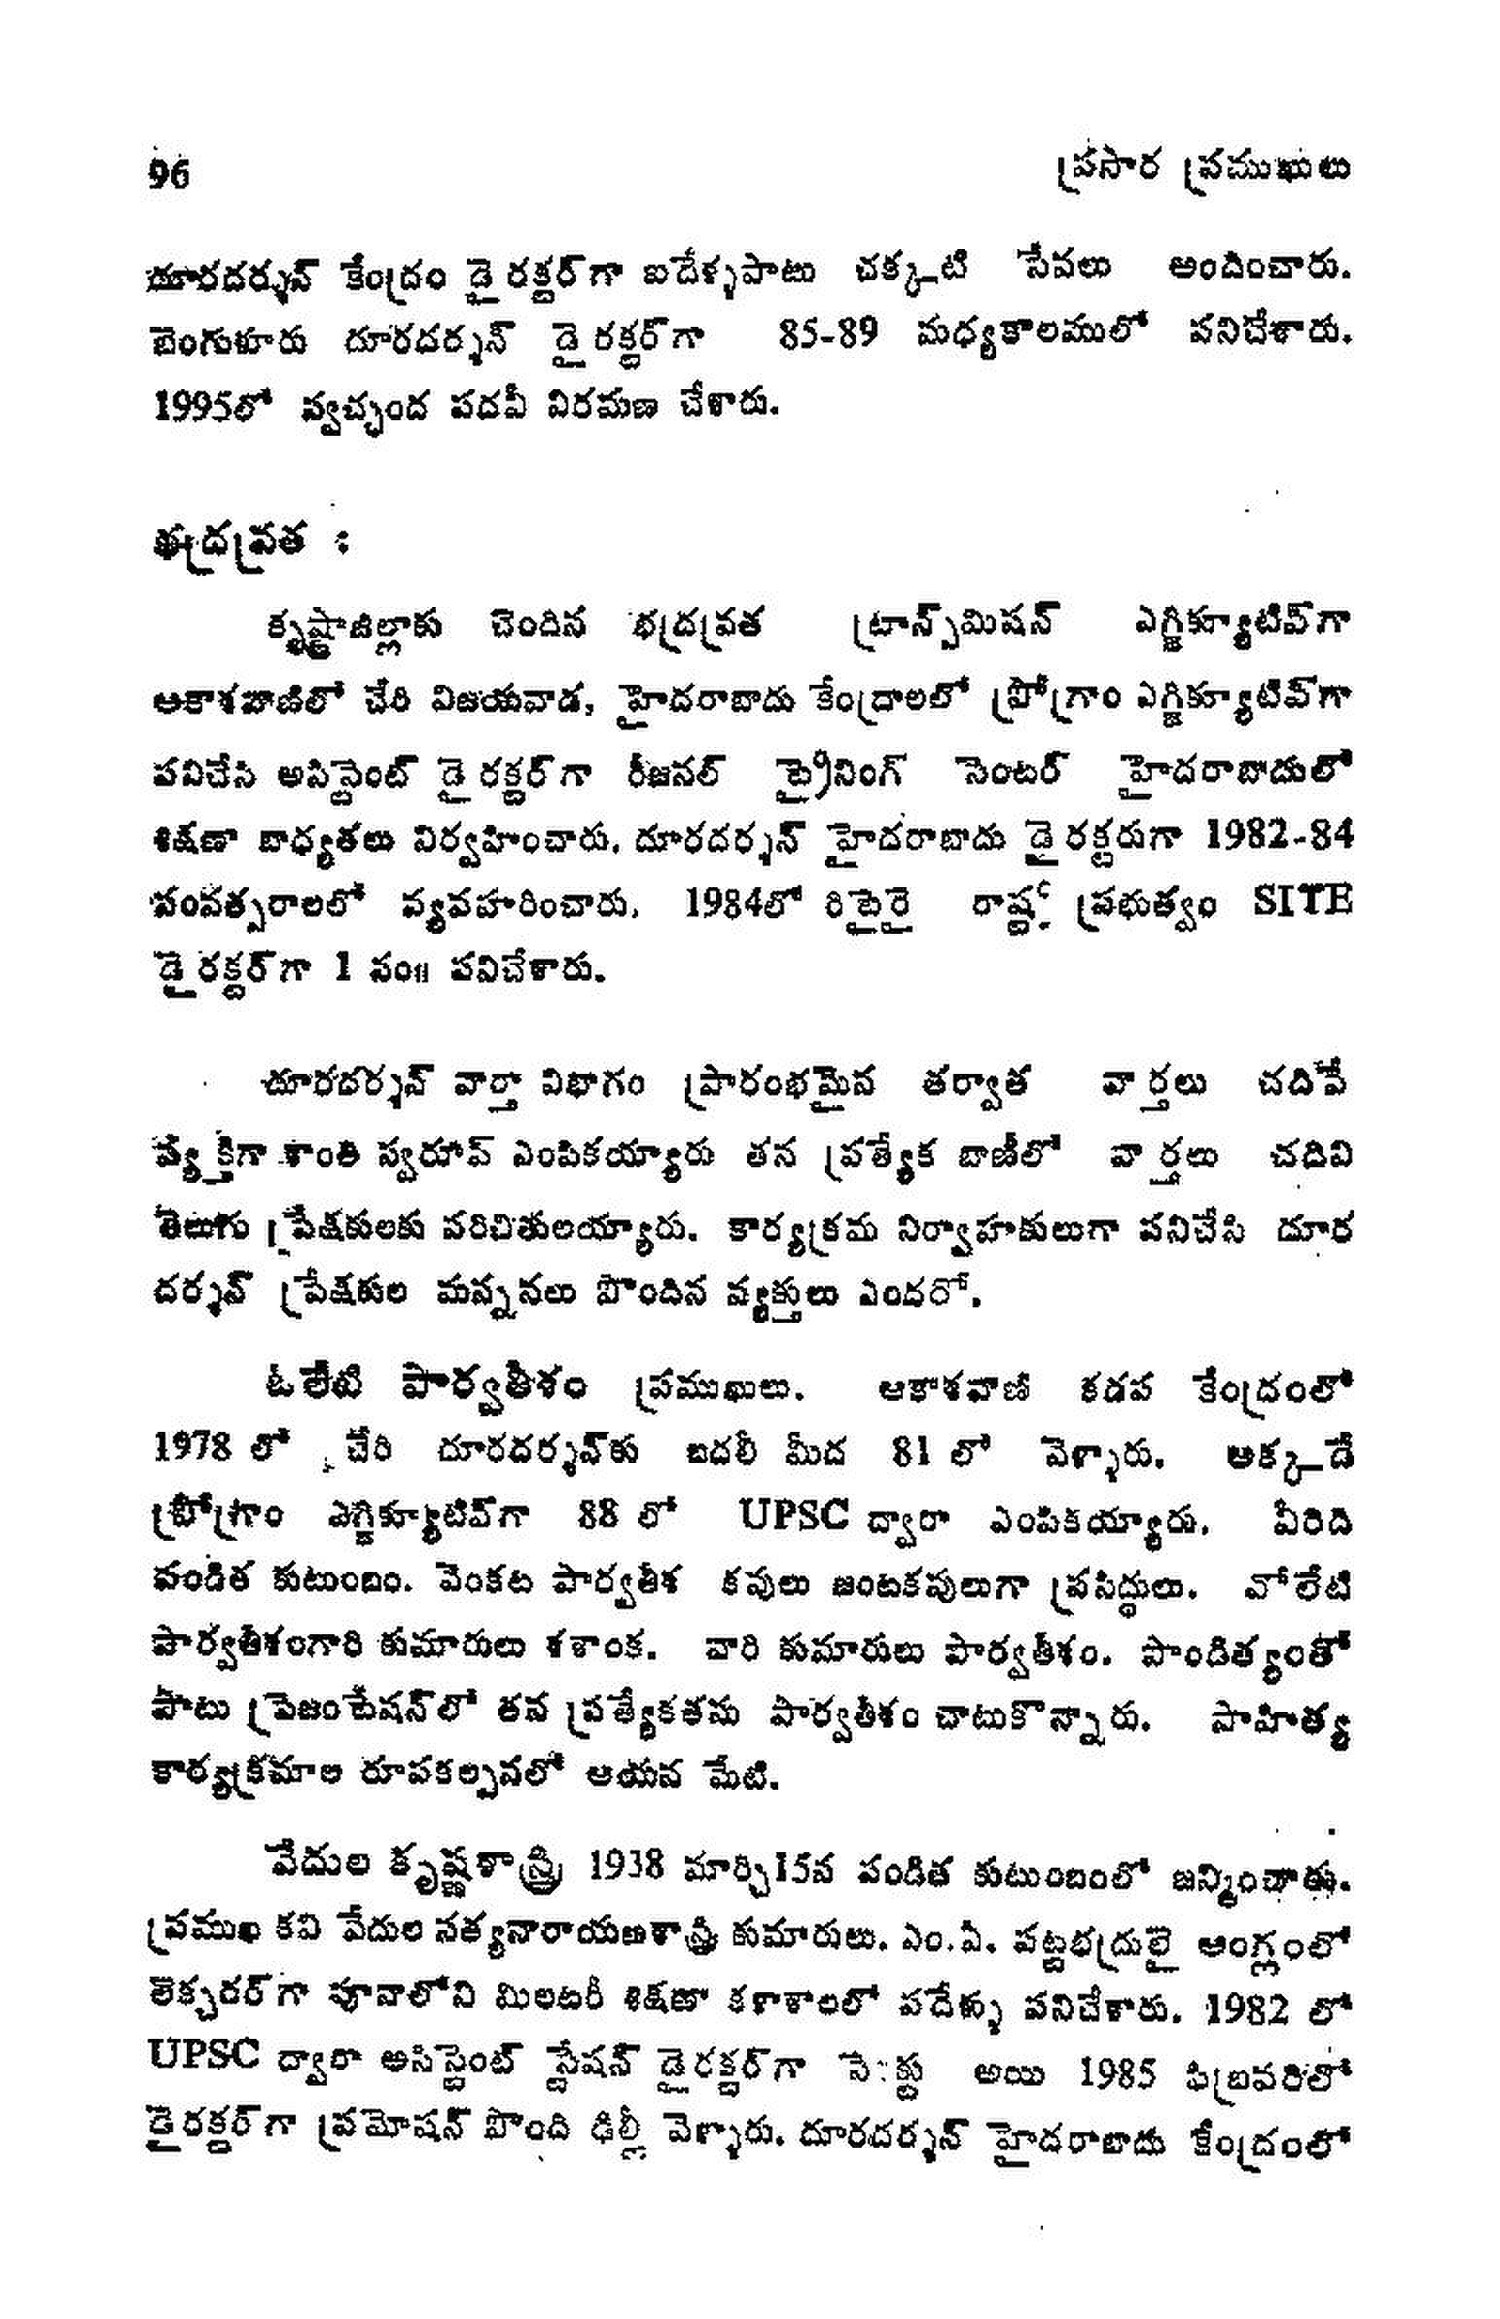దూరదర్శన్ కేంద్రం డైరక్టర్‌గా ఐదేళ్ళపాటు చక్కటి సేవలు అందించారు. బెంగుళూరు దూరదర్శన్ డైరక్టర్‌గా 85-89 మధ్యకాలములో పనిచేశారు. 1995లో స్వచ్చంద పదవీ విరమణ చేశారు.

కృష్ణాజిల్లాకు చెందిన భద్రవ్రత ట్రాన్స్‌మిషన్ ఎగ్జిక్యూటివ్‌గా ఆకాశవాణిలో చేరి విజయవాడ, హైదరాబాదు కేంద్రాలలో ప్రోగ్రాం ఎగ్జిక్యూటివ్‌గా పనిచేసి అసిస్టెంట్ డైరక్టర్‌గా రీజనల్ ట్రైనింగ్ సెంటర్ హైదరాబాదులో శిక్షణా బాధ్యతలు నిర్వహించారు. దూరదర్శన్ హైదరాబాదు డైరక్టరుగా 1982-84 సంవత్సరాలలో వ్యవహరించారు. 1984లో రిటైరై రాష్ట్ర ప్రభుత్వం SITE డైరక్టర్‌గా 1 సం. పనిచేశారు.

దూరదర్శన్ వార్తా విభాగం ప్రారంభమైన తర్వాత వార్తలు చదివే వ్యక్తిగా శాంతి స్వరూప్ ఎంపికయ్యారు. తన ప్రత్యేక బాణిలో వార్తలు చదివి తెలుగు ప్రేక్షకులకు పరిచితులయ్యారు. కార్యక్రమ నిర్వాహకులుగా పనిచేసి దూరదర్శన్ ప్రేక్షకుల మన్ననలు పొందిన వ్యక్తులు ఎందరో.

ఓలేటి పార్వతీశం ప్రముఖులు. ఆకాశవాణి కడప కేంద్రంలో 1978లో చేరి దూరదర్శన్‌కు బదలీమీద 81 లో వెళ్ళారు. అక్కడే ప్రోగ్రాం ఎగ్జిక్యూటివ్‌గా 88 లో UPSC ద్వారా ఎంపికయ్యారు. వీరిది పండిత కుటుంబం. వెంకట పార్వతీశ కవులు జంటకవులుగా ప్రసిద్ధులు. వోలేటి పార్వతీశంగారి కుమారులు శశాంక. వారి కుమారులు పార్వతీశం. పాండిత్యంతో పాటు ప్రెజంటేషన్‌లో తన ప్రత్యేకతను పార్వతీశం చాటుకొన్నారు. సాహిత్య కార్యక్రమాల రూపకల్పనలో ఆయన మేటి.

వేదుల కృష్ణశాస్త్రి 1938 మార్చి 15న పండిత కుటుంబంలో జన్మించారు. ప్రముఖ కవి వేదుల సత్యనారాయణశాస్త్రి కుమారులు. ఎం. ఏ. పట్టభద్రులై ఆంగ్లంలో లెక్చరర్‌గా పూనాలోని మిలటరీ శిక్షణా కళాశాలలో పదేళ్ళు పనిచేశారు. 1982 లో UPSC ద్వారా అసిస్టెంట్ స్టేషన్ డైరక్టర్‌గా సెలక్టు అయి 1985 ఫిబ్రవరిలో డైరక్టర్‌గా ప్రమోషన్ పొంది ఢిల్లీ వెళ్ళారు. దూరదర్శన్ హైదరాబాదు కేంద్రంలో